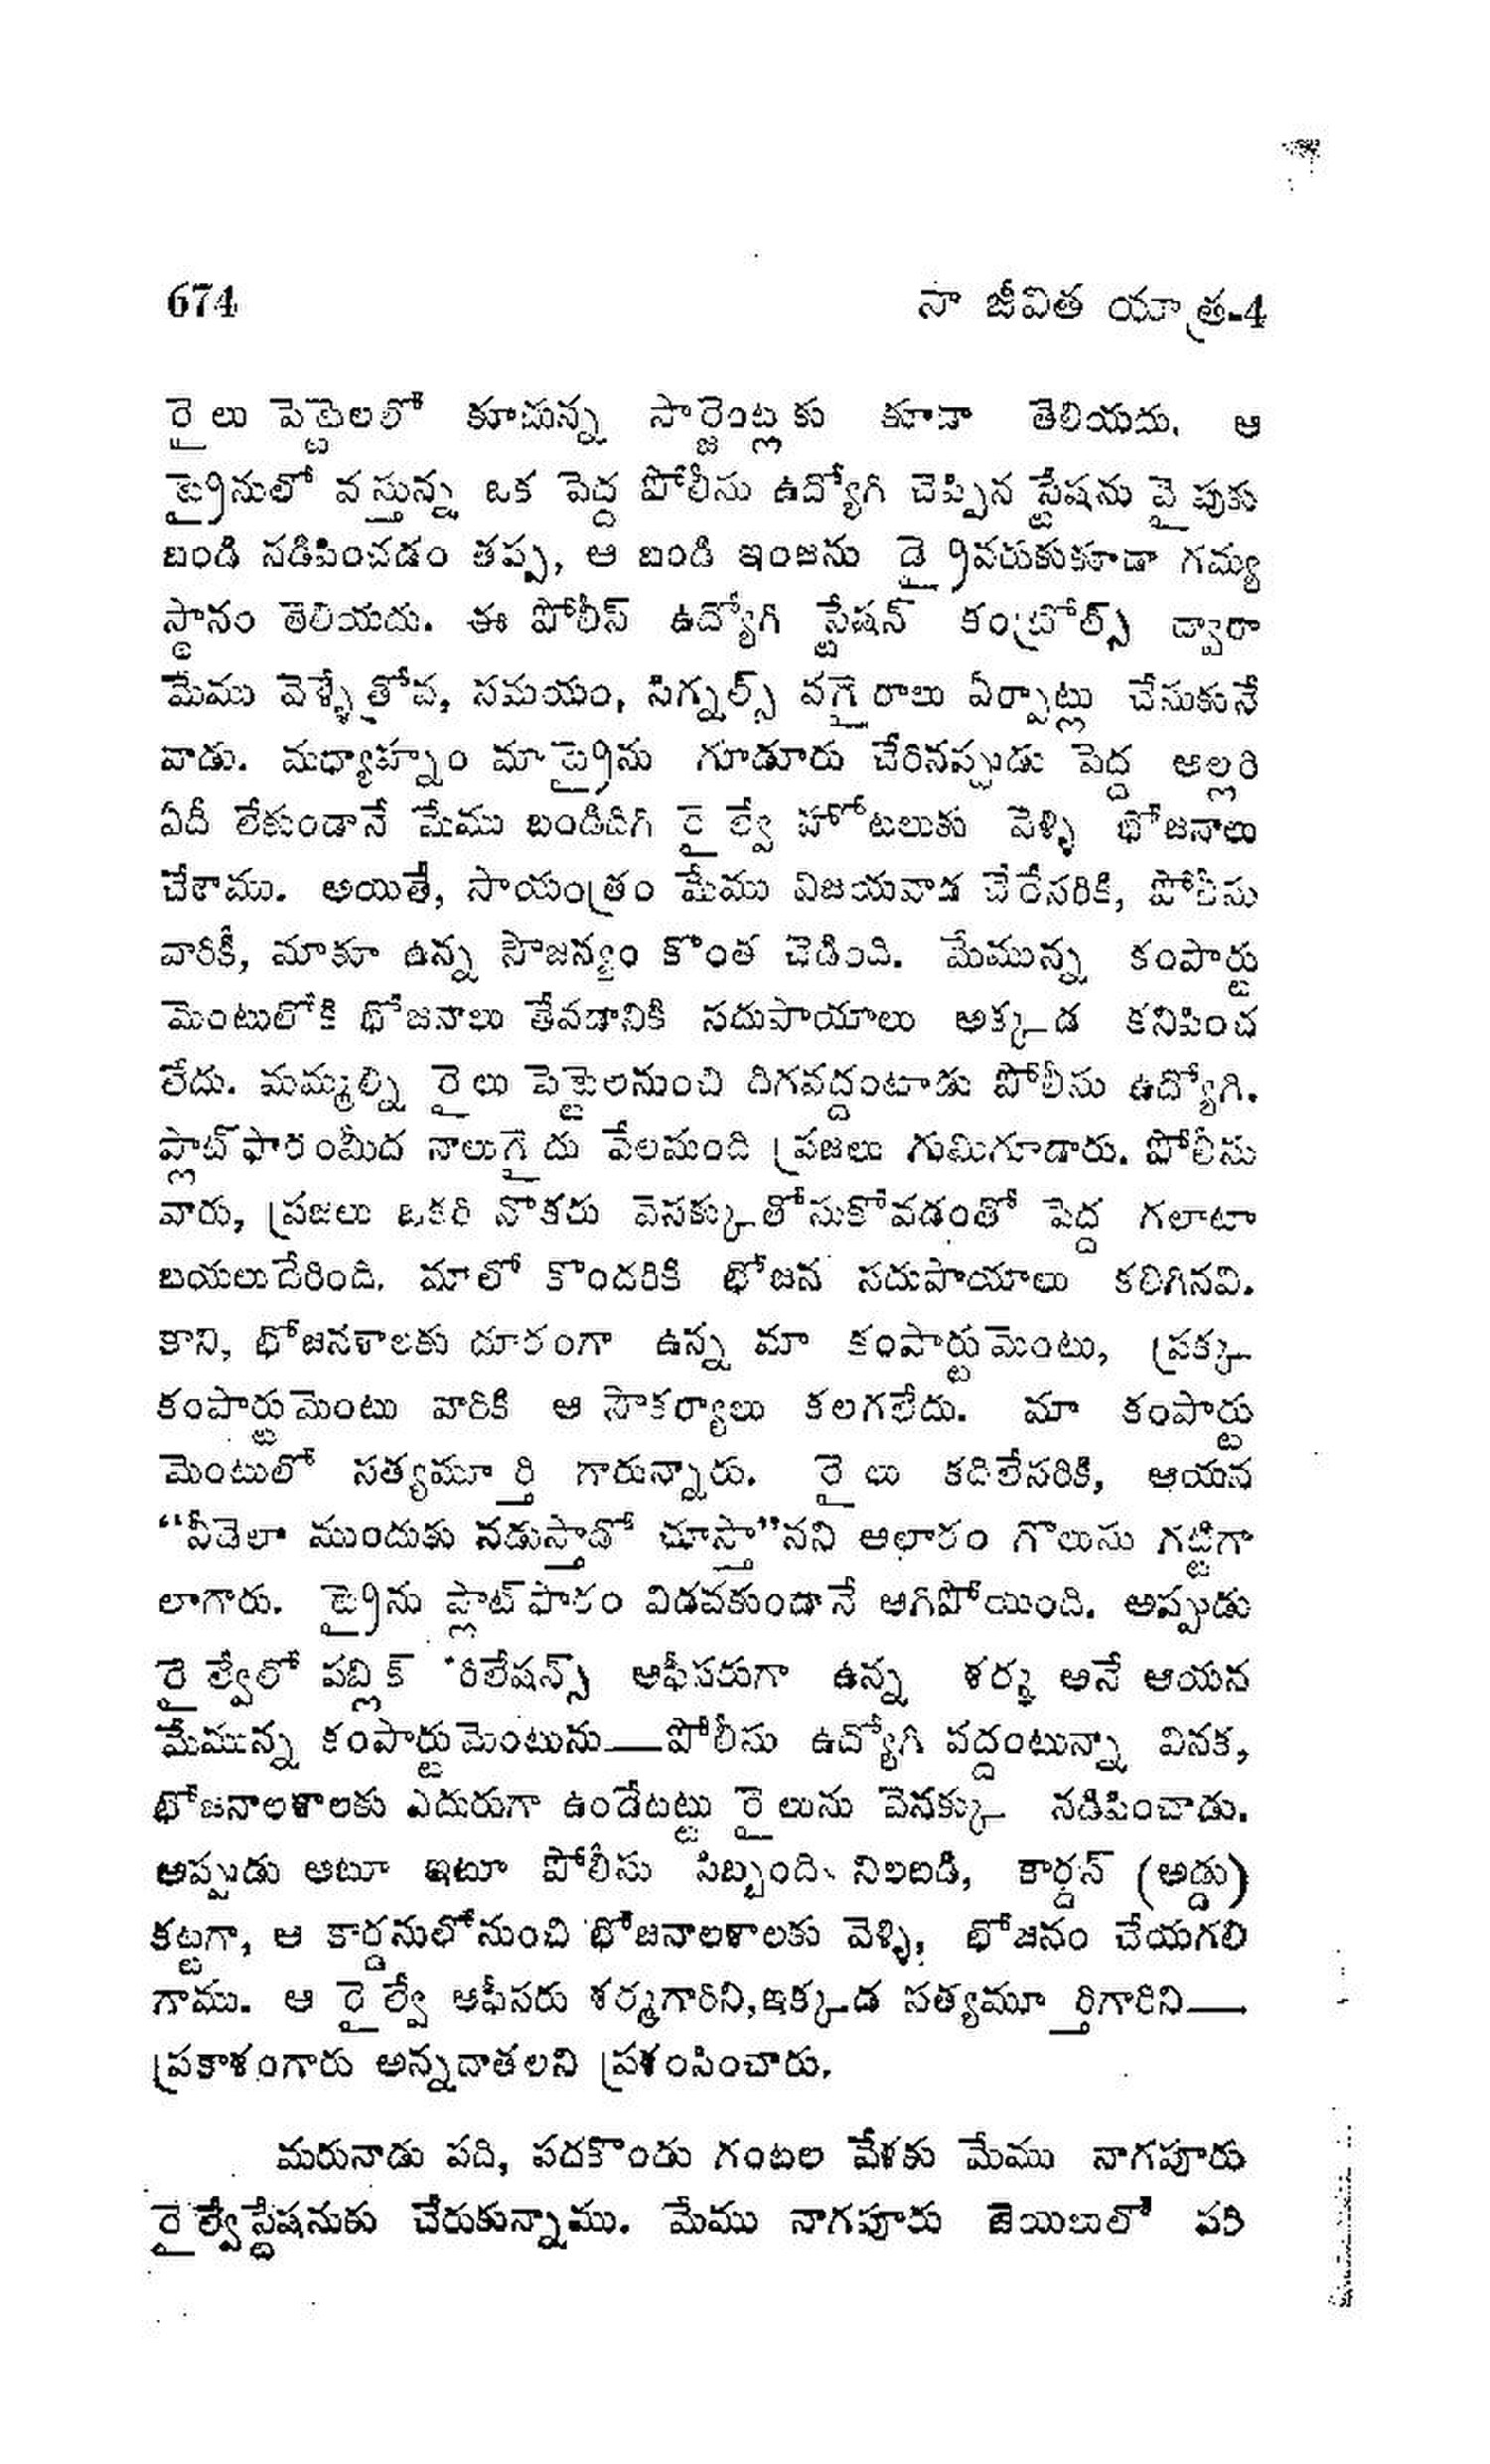రైలు పెట్టెలలో కూచున్న సార్జెంట్లకు కూడా తెలియదు. ఆ ట్రైనులో వస్తున్న ఒక పెద్ద పోలీసు ఉద్యోగి చెప్పిన స్టేషను వైపుకు బండి నడిపించడం తప్ప, ఆ బండి ఇంజను డ్రైవరుకుకూడా గమ్యస్థానం తెలియదు. ఈ పోలీస్ ఉద్యోగి స్టేషన్ కంట్రోల్స్ ద్వారా మేము వెళ్ళేత్రోవ, సమయం, సిగ్నల్స్ వగైరాలు ఏర్పాట్లు చేసుకునేవాడు. మధ్యాహ్నం మాట్రైను గూడూరు చేరినప్పుడు పెద్ద అల్లరి ఏదీ లేకుండానే మేము బండిదిగి రైల్వే హోటలుకు వెళ్ళి భోజనాలు చేశాము. అయితే, సాయంత్రం మేము విజయవాడ చేరేసరికి, పోలీసువారికీ, మాకూ ఉన్న సౌజన్యం కొంత చెడింది. మేమున్న కంపార్టుమెంటులోకి భోజనాలు తేవడానికి సదుపాయాలు అక్కడ కనిపించ లేదు. మమ్మల్ని రైలు పెట్టెలనుంచి దిగవద్దంటాడు పోలీసు ఉద్యోగి. ప్లాట్‌ఫారంమీద నాలుగైదు వేలమంది ప్రజలు గుమిగూడారు. పోలీసువారు, ప్రజలు ఒకరి నొకరు వెనక్కుతోసుకోవడంతో పెద్ద గలాటా బయలుదేరింది. మాలో కొందరికి భోజన సదుపాయాలు కలిగినవి. కాని, భోజనశాలకు దూరంగా ఉన్న మా కంపార్టుమెంటు, ప్రక్క కంపార్టుమెంటువారికి ఆ సౌకార్యాలు కలగలేదు. మా కంపార్టుమెంటులో సత్యమూర్తి గారున్నారు. రైలు కదిలేసరికి, ఆయన "వీడెలా ముందుకు నడుస్తాడో చూస్తా"నని అలారం గొలుసు గట్టిగా లాగారు. ట్రైను ప్లాట్‌ఫారం విడవకుండానే ఆగిపోయింది. అప్పుడు రైల్వేలో పబ్లిక్ రిలేషన్స్ ఆఫీసరుగా ఉన్న శర్మ అనే ఆయన మేమున్న కంపార్టుమెంటును - పోలీసు ఉద్యోగి వద్దంటున్నా వినక, భోజనశాలకు ఎదురుగా ఉండేటట్టు రైలును వెనక్కు నడిపించాడు. అప్పుడు అటూ ఇటూ పోలీసు సిబ్బంది నిలబడి, కార్డన్ (అడ్డు) కట్టగా, ఆ కార్డనులోనుంచి భోజనాలశాలకు వెళ్ళి, భోజనం చేయగలిగాము. ఆ రైల్వే ఆఫీసరు శర్మాగారిని, ఇక్కడ సత్యమూర్తిగారిని - ప్రకాశంగారు అన్నదాతలని ప్రశంసించారు.

మరునాడు పది, పదకొండు గంటల వేళకు మేము నాగపూరు రైల్వేస్టేషనుకు చేరుకున్నాము. మేము నాగపూరు జెయిలులో పరి